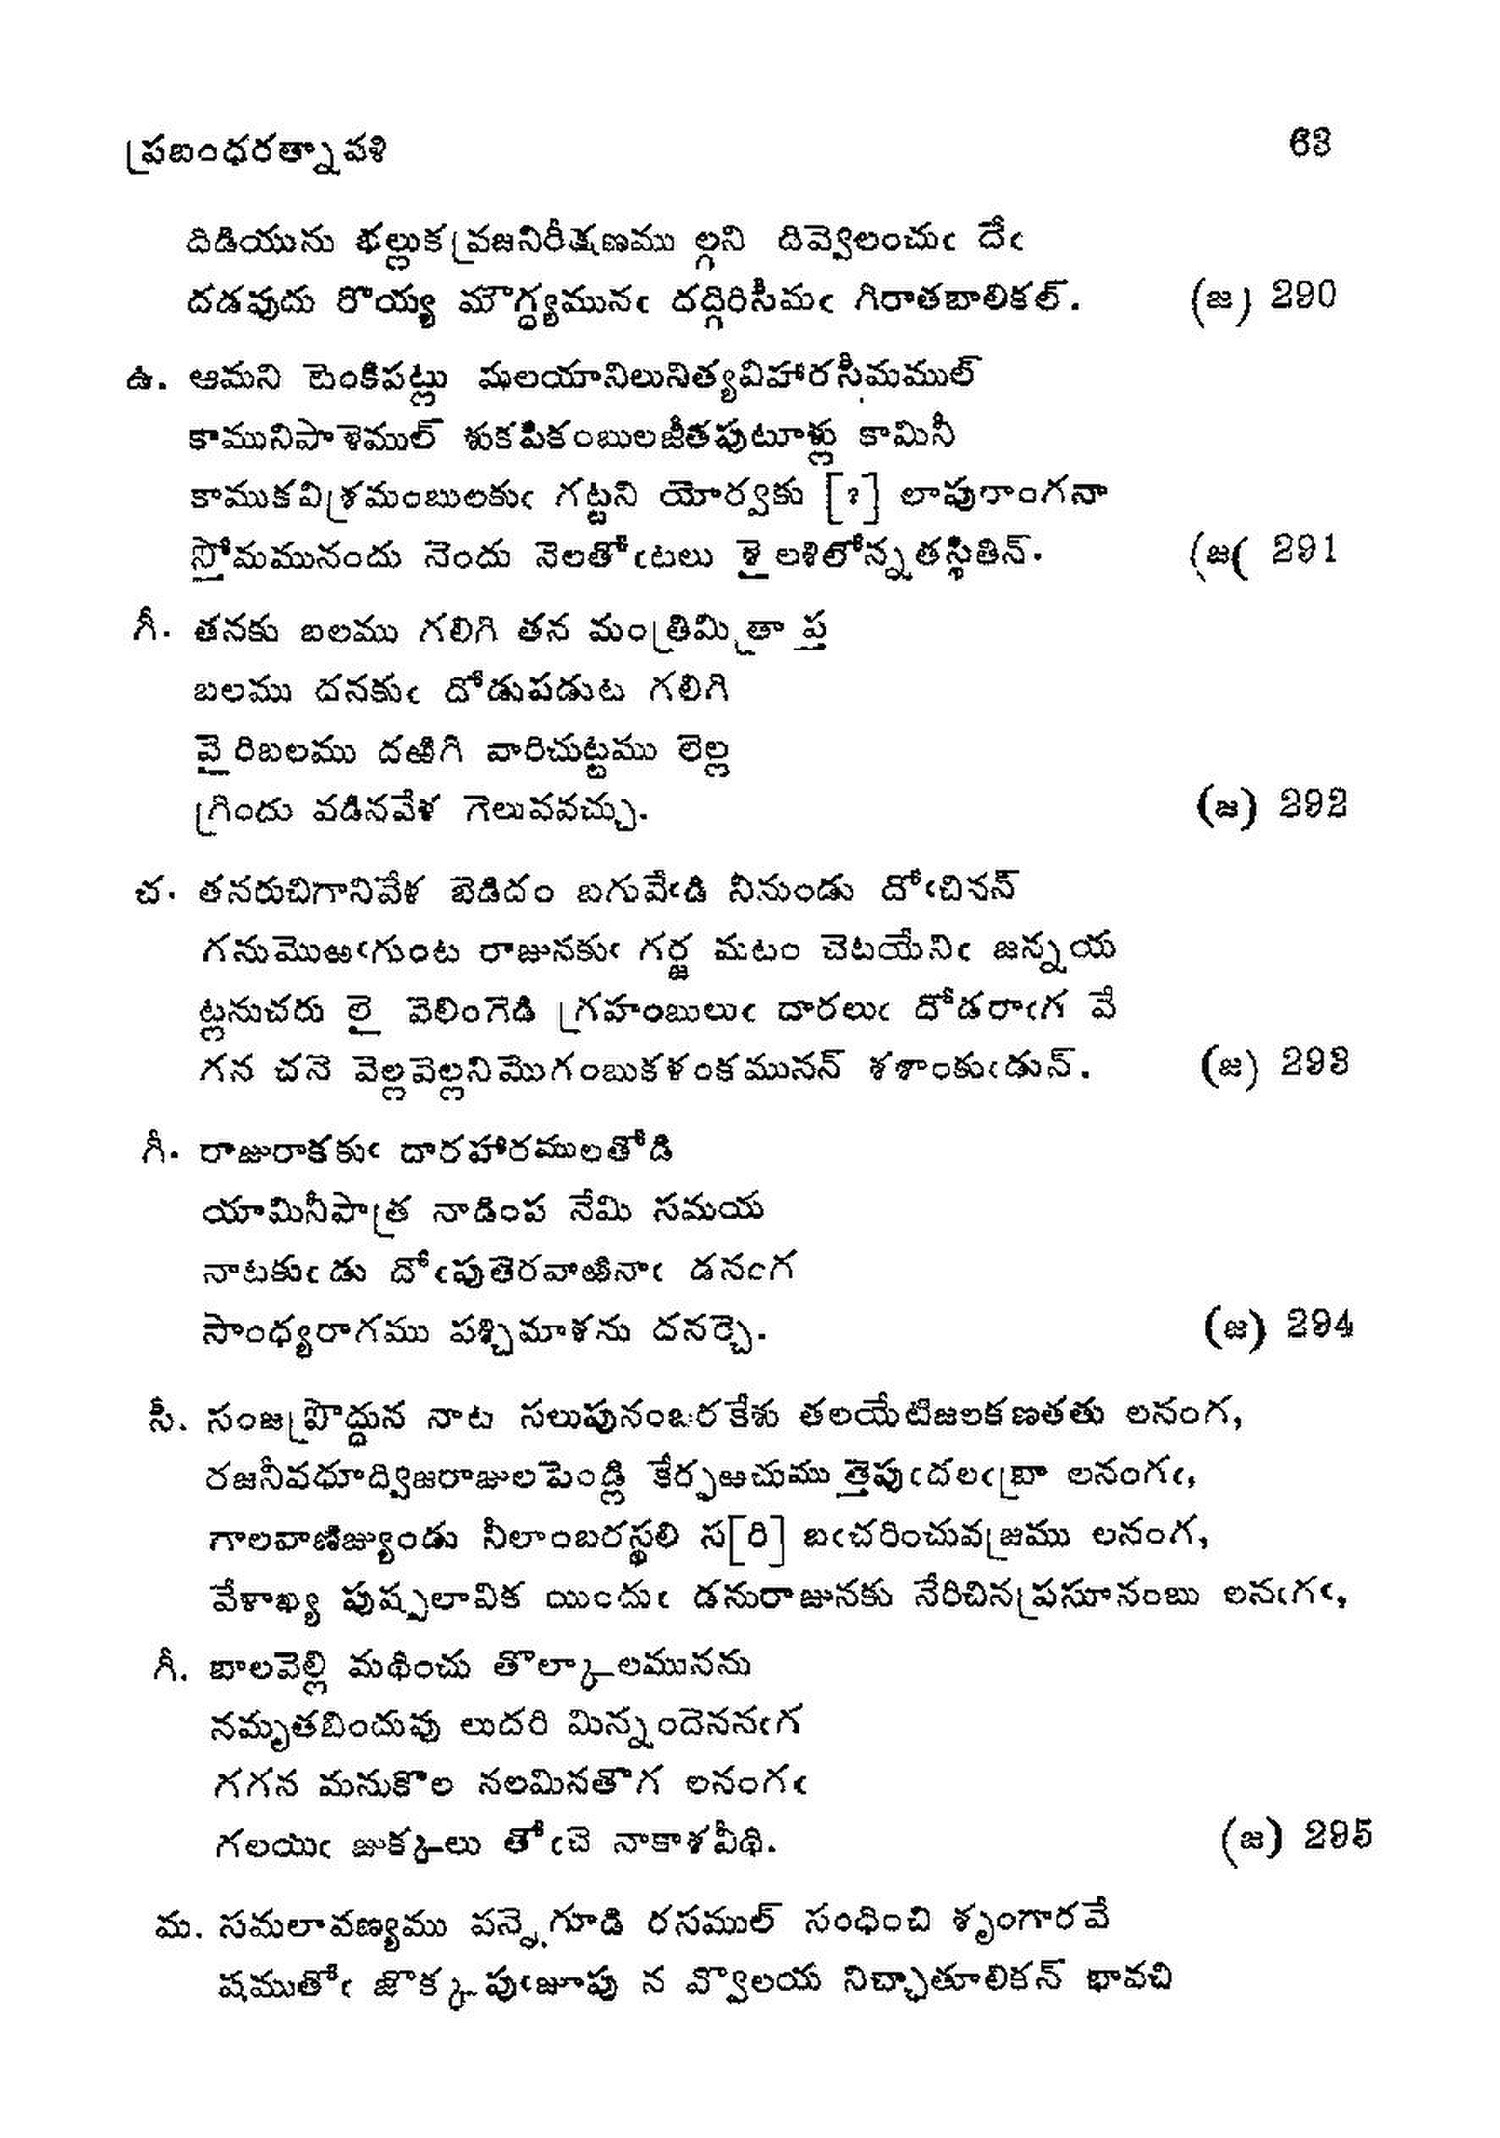దిడియును భల్లుకవ్రజనిరీక్షణముల్ గని దివ్వెలంచుఁ దేఁ
దడవుదు రొయ్య మౌగ్ధ్యమునఁ దద్గిరిసీమఁ గిరాతబాలికల్. (జ) 290

ఉ. ఆమని టెంకిపట్లు మలయానిలునిత్యవిహారసీమముల్
కామునిపాళెముల్ శుకపికంబులజీతపుటూళ్ళు కామినీ
కాముకవిశ్రమంబులకుఁ గట్టని యోర్వకు[?] లా పురాంగనా
స్తోమమునందు నెందు నెలతోఁటలు శైలశిలోన్నతస్థితిన్. (జ) 291

ఆ. తనకు బలముఁ గలిగి తన మంత్రి మిత్రాప్త
బలము దలకుఁ దోడుపడుట కలిగి
వైరిబలము దఱిగి వారిచుట్టము లెల్లఁ
గ్రిందు వడినవేళ గెలువవచ్చు. (జ) 292

చ. తన రుచిగానివేళ బెడిదంబగు వేఁడి నినుండు దోఁచినన్
గనుమొఱఁగుంట రాజునకుఁ గర్జమటం చెటయేనిఁ జన్న య
ట్లనుచరులై వెలింగెడి గ్రహంబులుఁ దారలుఁ దోడరాఁగ వే
గన చనె వెల్లవెల్లని మొగంబుకళంకమున్ శశాంకుఁడున్. (జ) 293

గీ. రాజురాకకుఁ దారహారములతోడి
యామినీపాత్ర నాడింప నేమి సమయ
నాటకుఁడు దోఁపుతెరవాఱినాఁ డనంగ
సాంధ్యరాగము పశ్చిమాశను దనర్చె. (జ) 294

సీ. సంజప్రొద్దున నాట సలుపు నంబరకేశు తలయేటిజలకణతతు లనంగ
రజనీవధూద్విజరాజుల పెండ్లి కేర్పఱచు ముత్యపుఁదలఁబ్రా లనంగఁ
గాలవాణిజ్యుండు నీలాంబరస్థలి స[రి] బఁచరించు వజ్రము లనంగ
వేళాఖ్య పుష్పలావిక యిందుఁడను రాజునకు నేరిచినప్రసూనంబు లనఁగఁ
గీ. బాలవెల్లి మథించు తొల్కాలమునను
నమృతబిందువు లుదరి మిన్నందె ననఁగ
గగనమను కొల నలమిన తొగ లనంగఁ
గలయఁ జుక్కలు తోఁచె నాకాశవీథి. (జ) 295

మ. సమలావణ్యము వన్నెఁగూడి రసముల్ సంధించి శృంగారవే
షముతోఁ జొక్కపుఁజూపు నవ్వొలయ నిచ్ఛాతూలికన్ భావచి